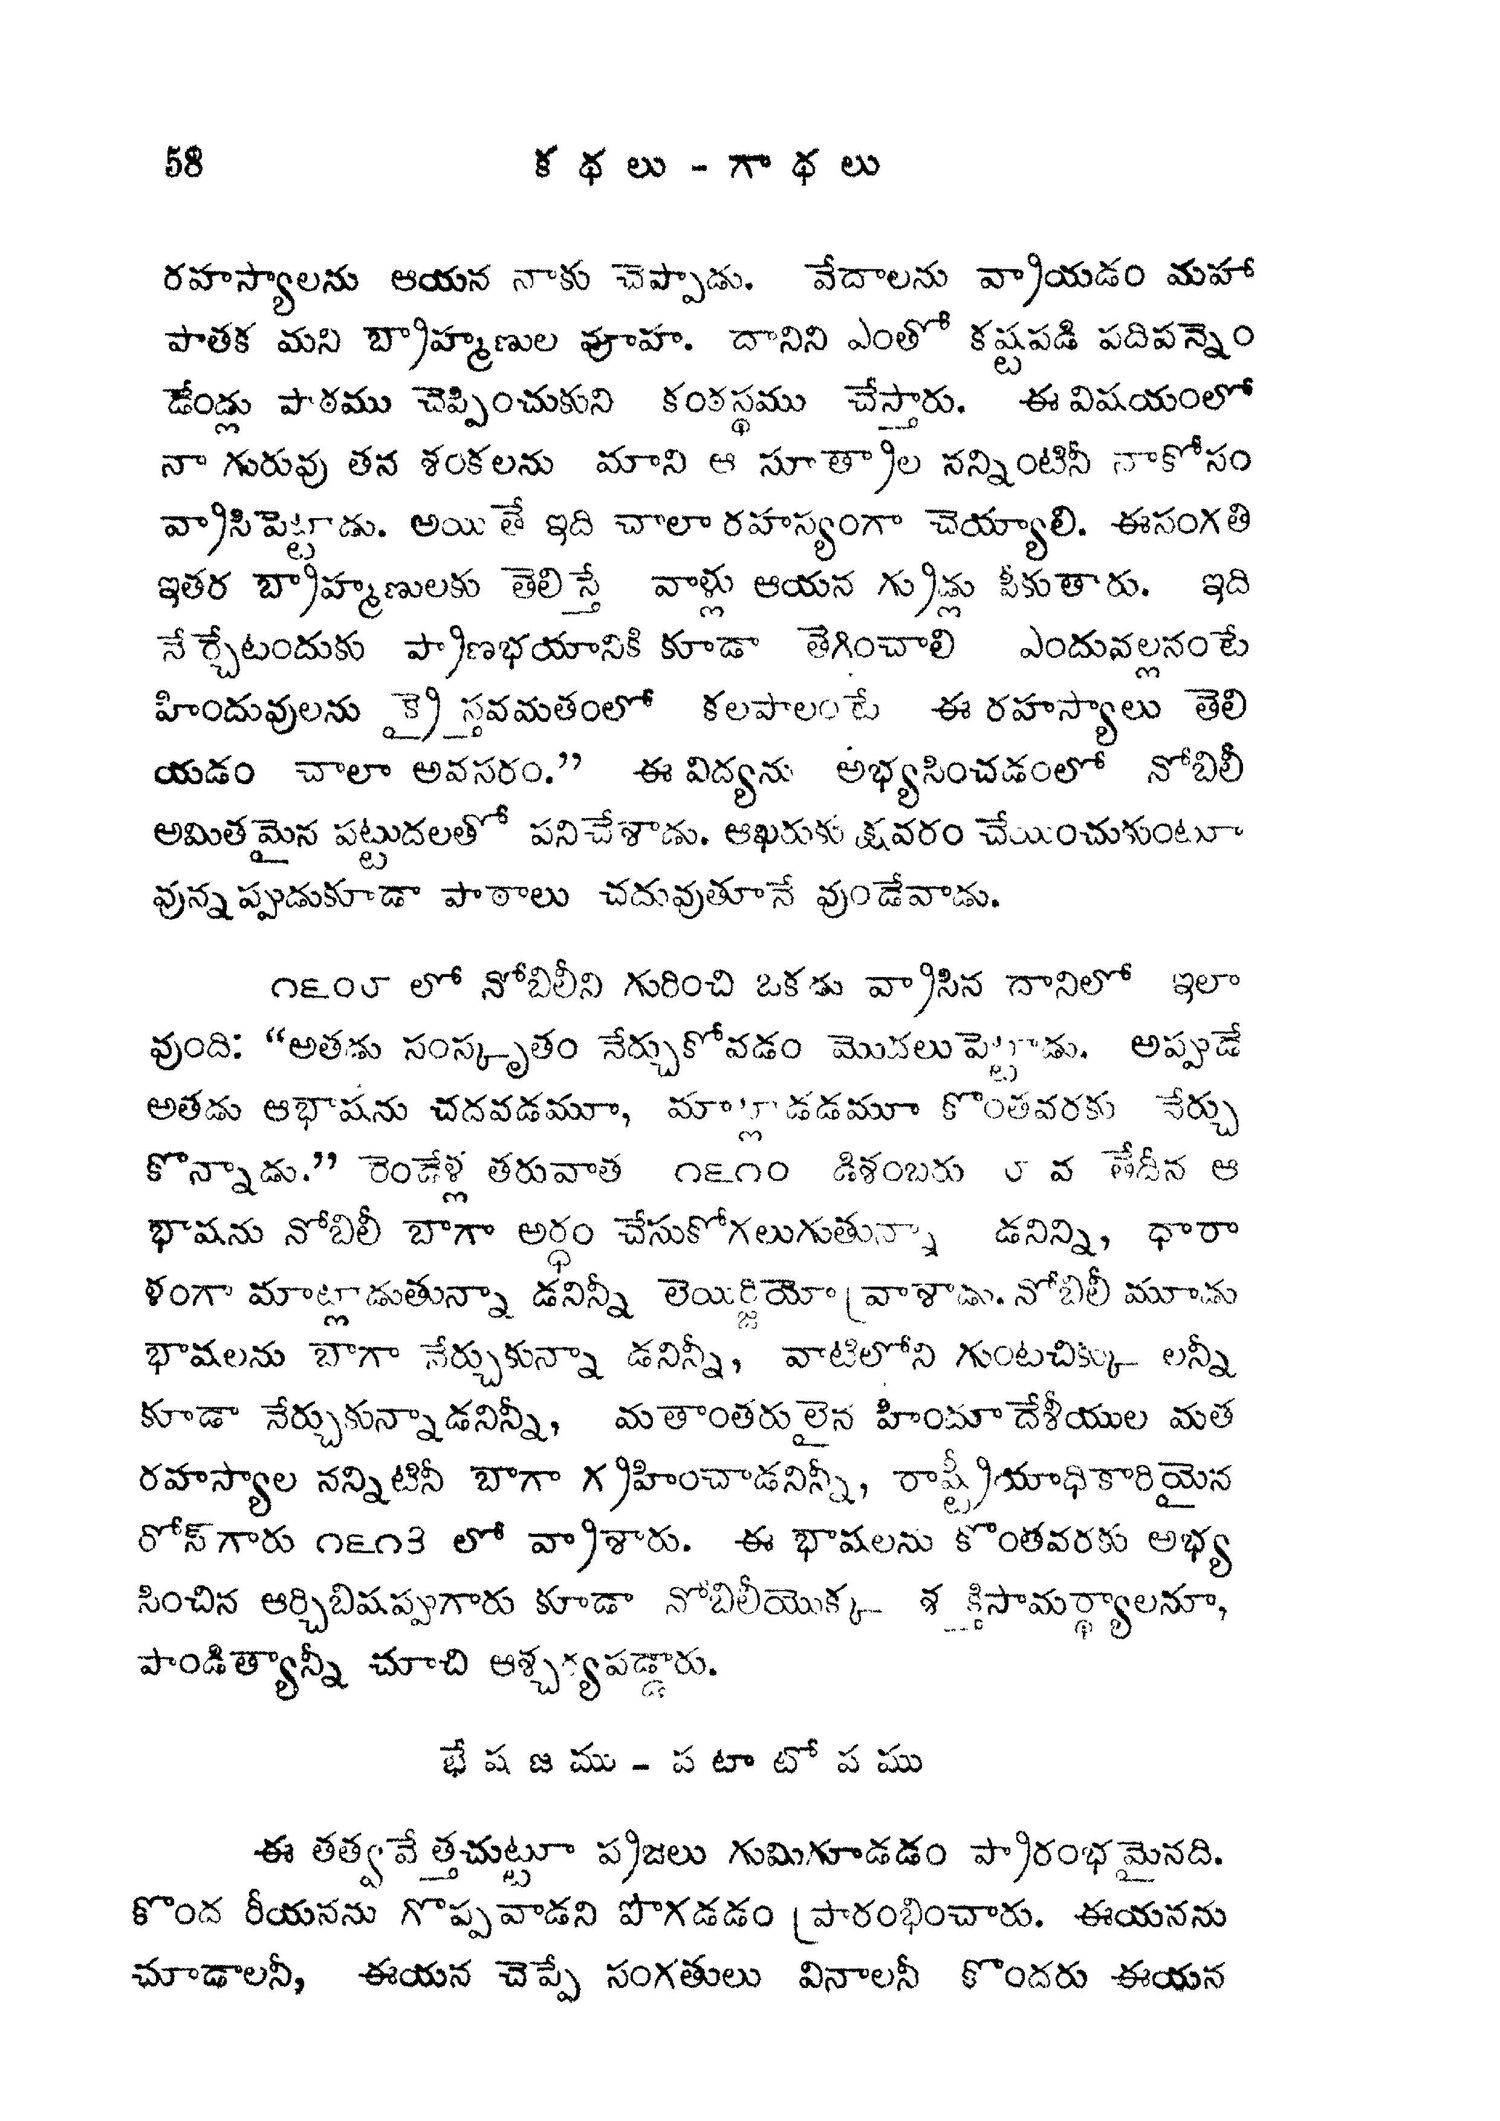రహస్యాలను ఆయన నాకు చెప్పారు. వేదాలను వ్రాయడం మహాపాతక మని బ్రాహ్కణుల వూహ. దానిని ఎంతో కష్టపడి పదిపన్నెండేండ్లు పాఠము చెప్పించుకుని కంఠస్థము చేస్తారు. ఈ విషయంలో నా గురువు తన శంకలను మాని ఆ సూత్రాల నన్నింటినీ నాకోసం వ్రాసిపెట్టాడు. అయితే ఇది చాలారహస్యం గా చెయ్యాలి. ఈ సంగతి ఇతర బ్రాహ్మణులకు తెలిస్తే వాళ్లు ఆయను గ్రుడ్లు పీకుతారు. ఇది నేర్చేటందుకు ప్రాణభయానికి కూడా తెగించాలి. ఎందువల్లనంటే హిందువులను క్రైస్తవమతంలో కలపాలంటే ఈరహస్యాలు తెలియడం చాలా అవసరం." ఈ విద్యను అభ్యసించడంలో నోబిలీ అమితమైన పట్టుదలతో పనిచేశాడు. ఆఖరుకు క్షవరం చేయించుకుంటూ వున్నప్పుడుకూడా పాఠాలు చదువుతూనె వుండేవాడు.

1908 లో నోబిలీని గురించి ఒకడు వ్రాసిన దానిలో ఇలావుంది. "అతడు సంస్కృతం నేర్చుకోవడం మొదలుపెట్టాడు. అప్పుడే అతడు ఆభాషను చదవడమూ, మాట్లాడడమూ కొంతవరకు నేర్చుకొన్నాడు." రెండేళ్ల తరువాత 1910 డెశంబరు 8 వ తేదీన ఆ భాషను నోబిలీ బాగా అర్ధం చేసుకోగలుగుతున్నా డనిన్నీ, ధారాళంగా మాట్లాడుతున్నా డనిన్నీ లెయిర్జియో వ్రాశాడు. నోబిలీ మూడుభాషలను బాగా నేర్చుకున్నాడనిన్నీ, మతాంతరులైన హిందూదేశీయుల మతరహస్యాల నన్నిటినీ బాగా గ్రహించాడనిన్నీ, రాష్ట్రీయాధికారియైన రోస్ గారు 1913 లో వ్రాశారు. ఈ భాషలను కొంతవరకు అభ్యసించిన ఆర్చిబిషప్పుగారు కూడా నోబిలీయొక్క శక్తిసామర్ధ్యాలనూ, పాండిత్యాన్నీ చూచి ఆశ్వర్యపడ్డారు.

ఈ తత్వవేత్తచుట్టూ ప్రజలు గుమిగూడడం ప్రారంభమైనది. కొంద రీయనను గొప్పవాడని పొగడడం ప్రారంబించారు. ఈయనను చూడాలనీ, ఈయన చెప్పే సంగతులు వినాలనీ కొందరు ఈయన